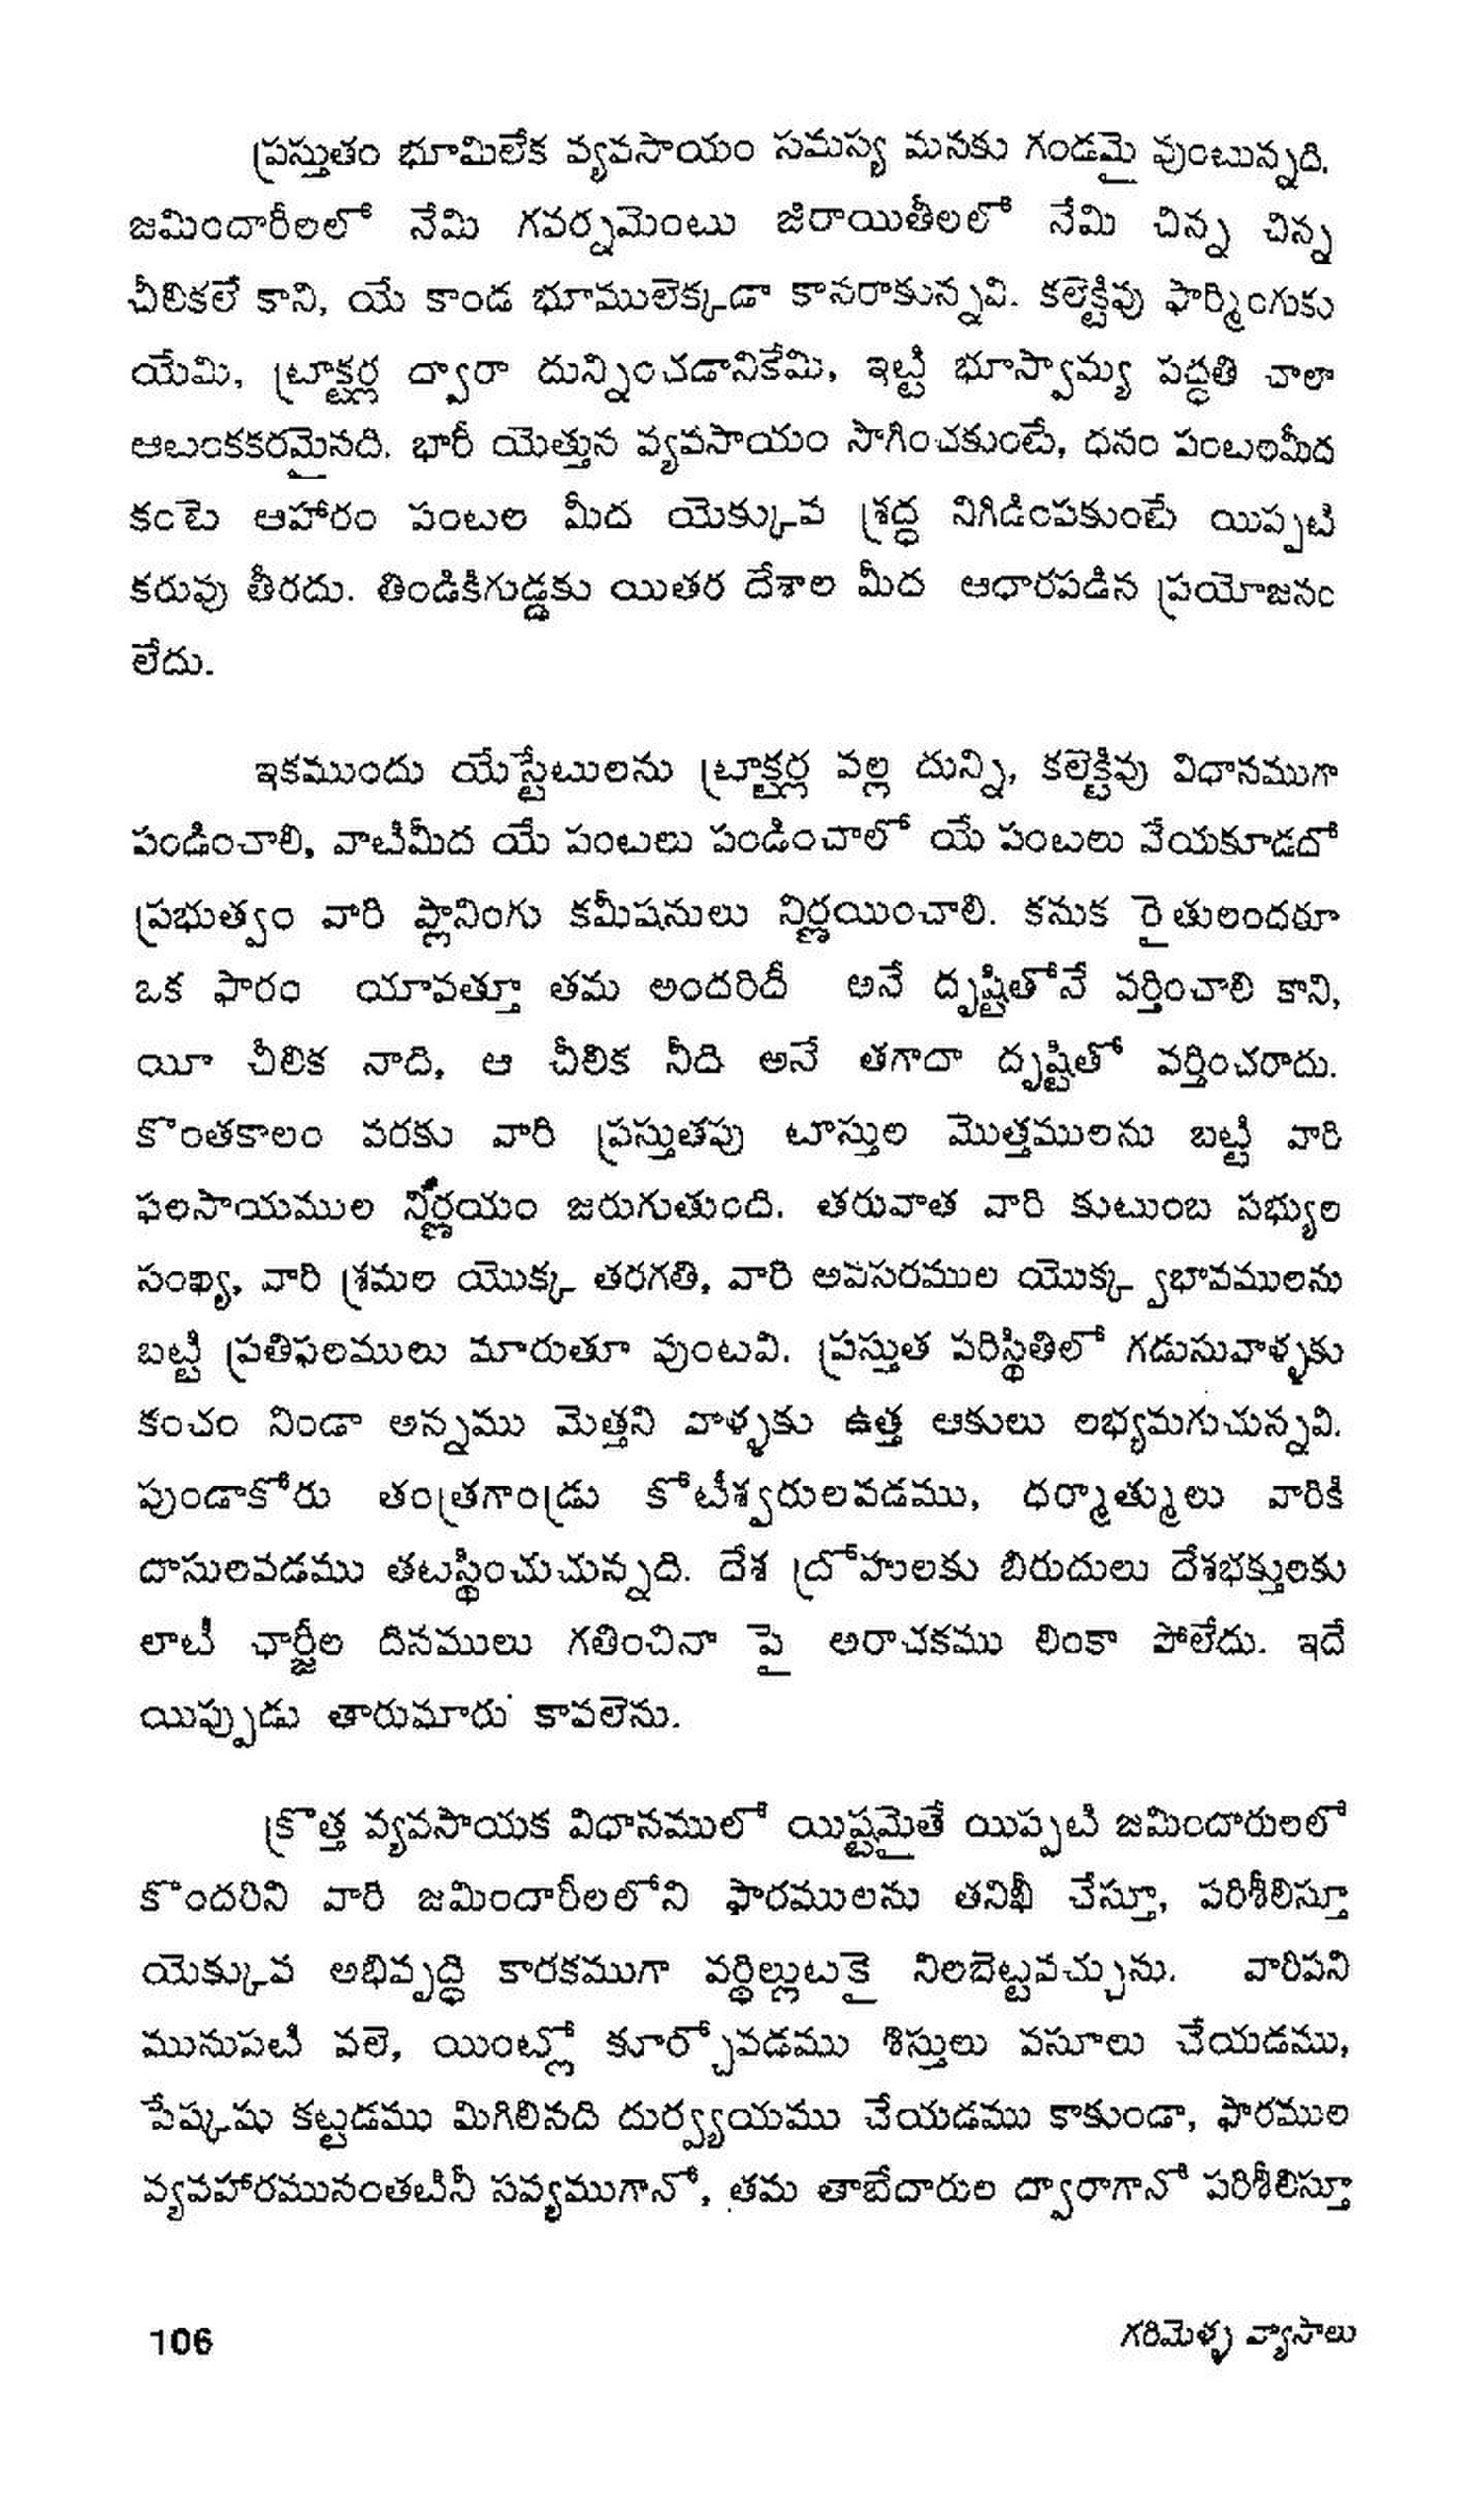ప్రస్తుతం భూమిలేక వ్యవసాయం సమస్య మనకు గండమై వుంటున్నది. జమిందారీలలో నేమి గవర్నమెంటు జిరాయితీలలో నేమి చిన్న చిన్న చీలికలే కాని, యే కాండ భూములెక్కడా కానరాకున్నవి. కలెక్టివు ఫార్మింగుకు యేమి, ట్రాక్టర్ల ద్వారా దున్నించడానికేమి, ఇట్టి భూస్వామ్య పద్ధతి చాలా ఆటంకకరమైనది. భారీ యెత్తున వ్యవసాయం సాగించకుంటే, ధనం పంటలమీద కంటె ఆహారం పంటల మీద యెక్కువ శ్రద్ధ నిగడింపకుంటే యిప్పటి కరువు తీరదు. తిండికిగుడ్డకు యితర దేశాల మీద ఆధారపడిన ప్రయోజనము లేదు.

ఇకముందు యెస్టేటులను ట్రాక్టర్ల వల్ల దున్ని, కలెక్టివు విధానముగా పండించాలి. వాటిమీద యే పంటలు పండించాలో యే పంటలు వేయకూడదో ప్రభుత్వం వారి ప్లానింగు కమీషనులు నిర్ణయించాలి. కనుక రైతులందరూ ఒక ఫారం యావత్తూ తమ అందరిదీ అనే దృష్టితోనే వర్తించాలి కాని, యీ చీలిక నాది, ఆ చీలిక నీది అనే తగాదా దృష్టితో వర్తించరాదు. కొంతకాలం వరకు వారి ప్రస్తుతపు టాస్తుల మొత్తములను బట్టి వారి ఫలసాయముల నిర్ణయం జరుగుతుంది. తరువాత వారి కుటుంబ సభ్యుల సంఖ్య, వారి శ్రమల యొక్క తరగతి, వారి అవసరముల యొక్క స్వభావములను బట్టి ప్రతిఫలములు మారుతూ వుంటవి. ప్రస్తుత పరిస్థితిలో గడుసువాళ్ళకు కంచం నిండా అన్నము మెత్తని వాళ్ళకు ఉత్త ఆకులు లభ్యమగుచున్నవి. పుండాకోరు తంత్రగాండ్రు కోటీశ్వరులవడము, ధర్మాత్ములు వారికి దాసులవడము తటస్థించుచున్నది. దేశద్రోహులకు బిరుదులు దేశభక్తులకు లాటీ చార్జీల దినములు గతించినా పై అరాచకము లింకా పోలేదు. ఇదే యిప్పుడు తారుమారు కావలెను.

క్రొత్త వ్యవసాయక విధానములో యిష్టమైతే యిప్పటి జమిందారులలో కొందరిని వారి జమిందారీలలోని ఫారములను తనిఖీ చేస్తూ, పరిశీలిస్తూ యెక్కువ అభివృద్ధి కారకముగా వర్ధిల్లుటకై నిలబెట్టవచ్చును. వారిపని మునుపటి వలె, యింట్లో కూర్చోవడము శిస్తులు వసూలు చేయడము. పేష్కషు కట్టడము మిగిలినది దుర్వ్యయము చేయడము కాకుండా, ఫారముల వ్యవహారమునంతటినీ సవ్యముగానో, తాబేదారుల ద్వారాగానో పరిశీలిస్తూ